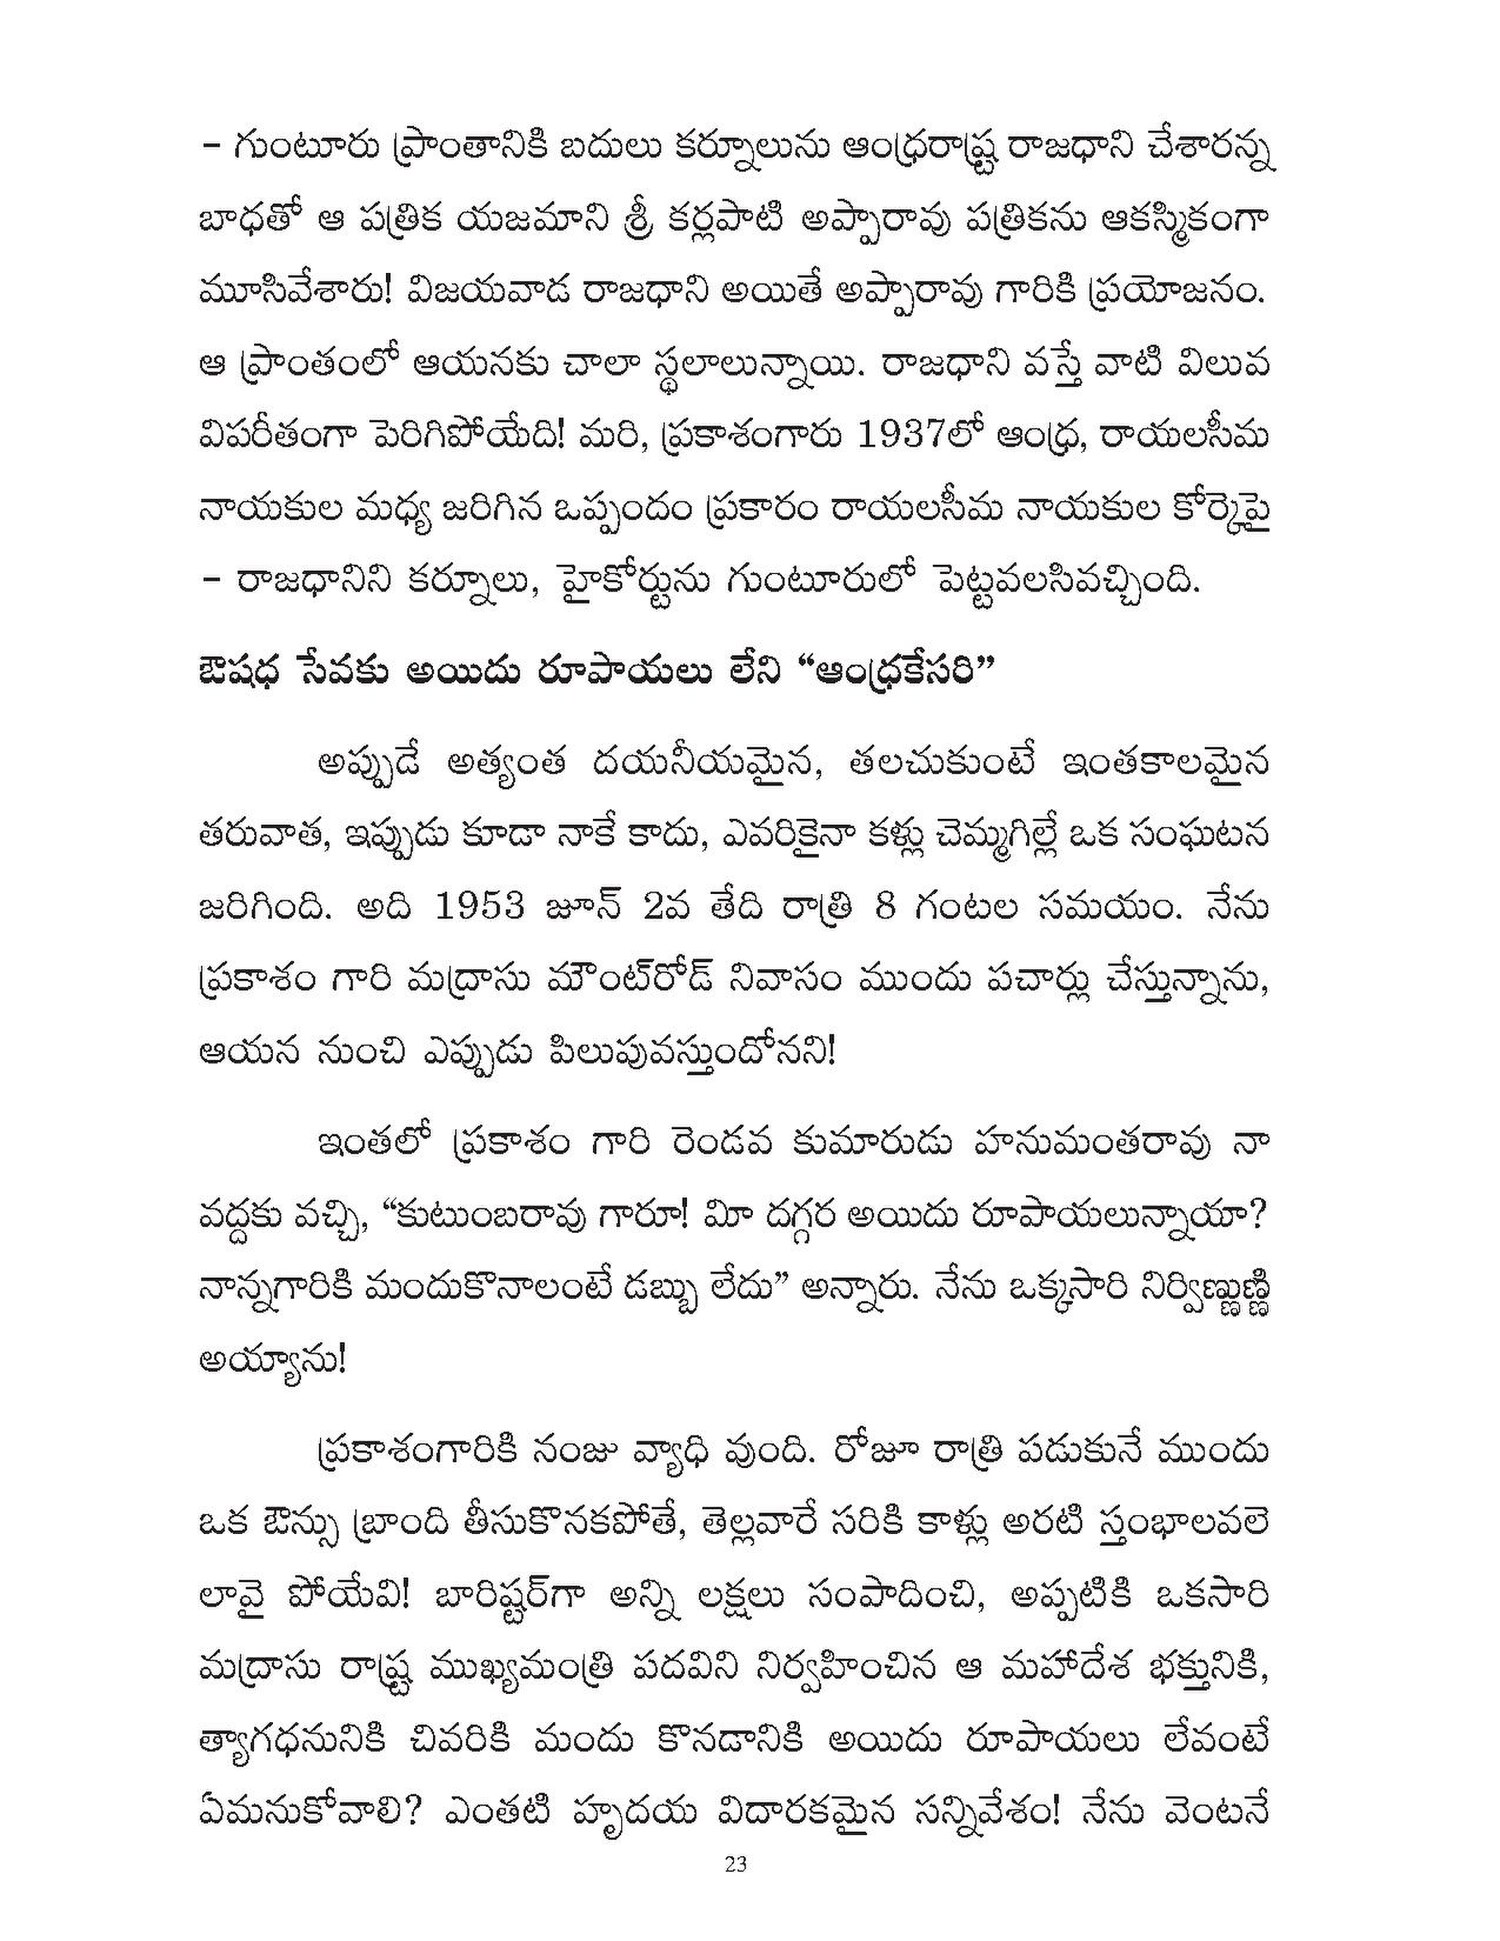- గుంటూరు ప్రాంతానికి బదులు కర్నూలును ఆంధ్రరాష్ట్ర రాజధాని చేశారన్న
బాధతో ఆ పత్రిక యజమాని శ్రీ కర్లపాటి అప్పారావు పత్రికను ఆకస్మికంగా
మూసివేశారు! విజయవాడ రాజధాని అయితే అప్పారావు గారికి ప్రయోజనం.
ఆ ప్రాంతంలో ఆయనకు చాలా స్థలాలున్నాయి. రాజధాని వస్తే వాటి విలువ
విపరీతంగా పెరిగిపోయేది! మరి, ప్రకాశంగారు 1937లో ఆంధ్ర, రాయలసీమ
నాయకుల మధ్య జరిగిన ఒప్పందం ప్రకారం రాయలసీమ నాయకుల కోర్కెపై
- రాజధానిని కర్నూలు, హైకోర్టును గుంటూరులో పెట్టవలసివచ్చింది.

ఔషధ సేవకు అయిదు రూపాయలు లేని "ఆంధ్రకేసరి"
అప్పుడే అత్యంత దయనీయమైన, తలచుకుంటే ఇంతకాలమైన
తరువాత, ఇప్పుడు కూడా నాకే కాదు, ఎవరికైనా కళ్లు చెమ్మగిల్లే ఒక సంఘటన
జరిగింది. అది 1953 జూన్‌ 2వ తేది రాత్రి 8 గంటల సమయం. నేను
ప్రకాశం గారి మద్రాసు మౌంట్‌రోడ్‌ నివాసం ముందు పచార్లు చేస్తున్నాను,
ఆయన నుంచి ఎప్పుడు పిలుపువస్తుందోనని!

ఇంతలో ప్రకాశం గారి రెండవ కుమారుడు హనుమంతరావు నా
వద్దకు వచ్చి, "కుటుంబరావు గారూ! మీ దగ్గర అయిదు రూపాయలున్నాయా?
నాన్నగారికి మందుకొనాలంటే డబ్బు లేదు" అన్నారు. నేను ఒక్కసారి నిర్విణ్ణుణ్ణి
అయ్యాను!

ప్రకాశంగారికి నంజు వ్యాధి వుంది. రోజూ రాత్రి పడుకునే ముందు
ఒక ఔన్సు బ్రాంది తీసుకొనకపోతే, తెల్లవారే సరికి కాళ్లు అరటి స్తంభాలవలె
లావై పోయేవి! బారిష్టర్‌గా అన్ని లక్షలు సంపాదించి, అప్పటికి ఒకసారి
మద్రాసు రాష్ట్ర ముఖ్యమంత్రి పదవిని నిర్వహించిన ఆ మహాదేశ భక్తునికి,
త్యాగధనునికి చివరికి మందు కొనడనికి అయిదు రూపాయలు లేవంటే
ఏమనుకోవాలి? ఎంతటి హృదయ విదారకమైన సన్నివేశం! నేను వెంటనే